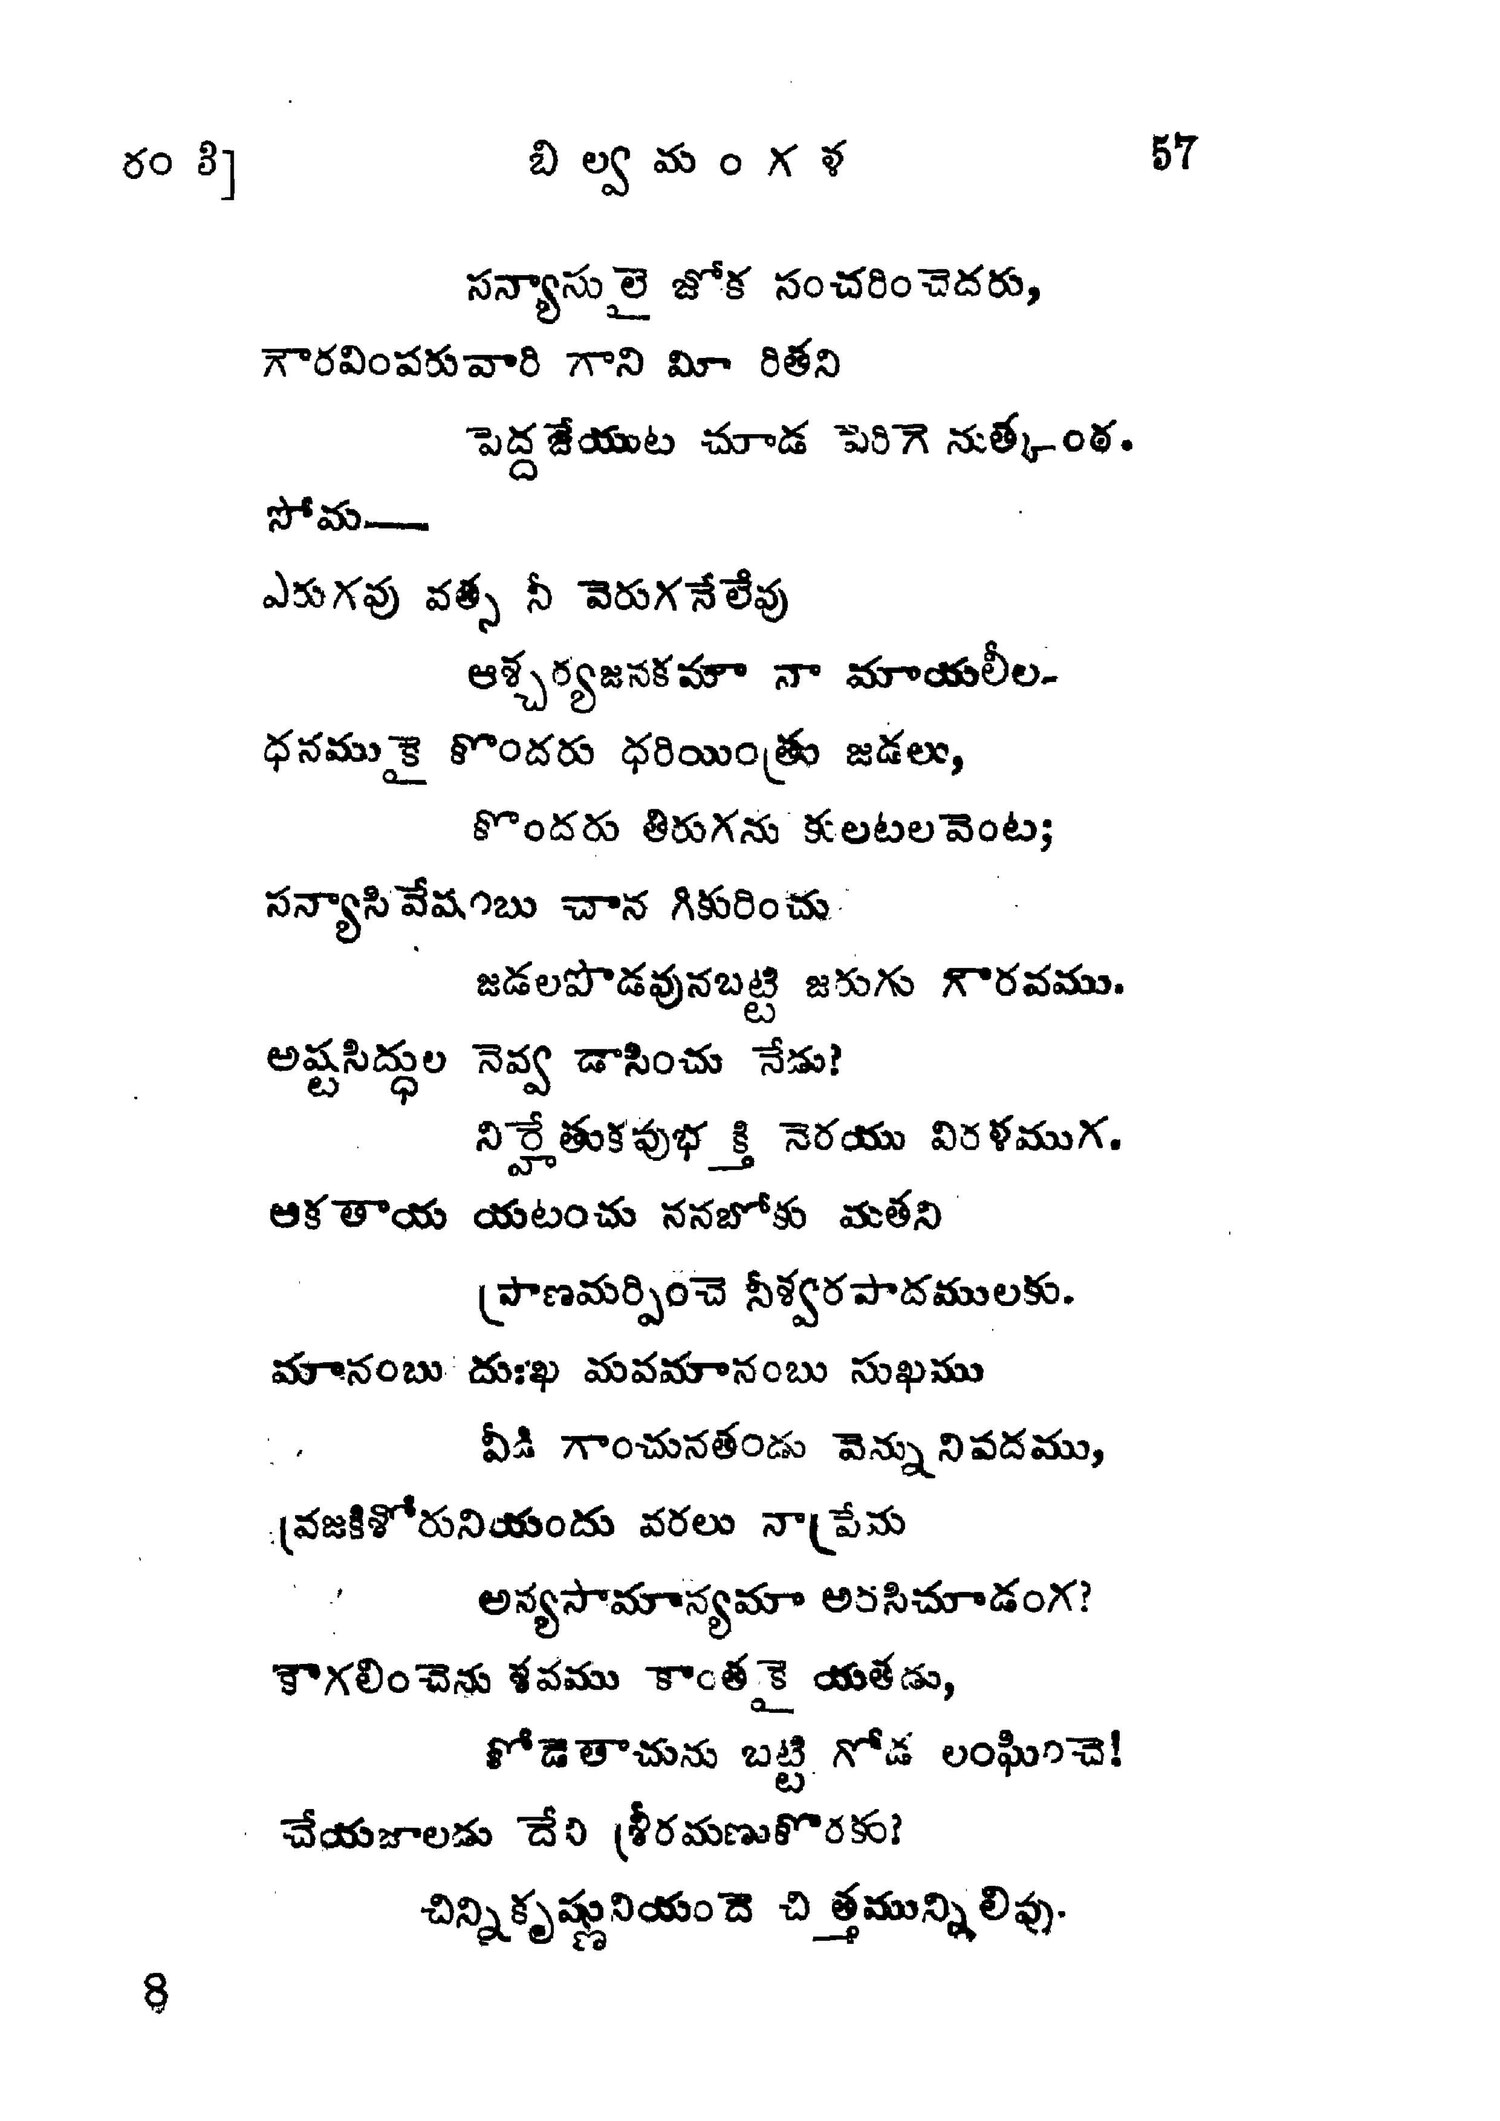సన్యాసులై జోక సంచరించెదరు,
 గౌరవింపరువారి గాని మీ రితని
 పెద్దజేయుట చూడ పెరిగె నుత్కంఠ.
 సోమ -
 ఎరుగవు వత్స నీ వెరుగనేలేవు
 ఆశ్చర్యజనకమౌ నా మాయలీల-
 ధనముకై కొందరు ధరియింత్రు జడలు,
 కొందరు తిరుగను కులటలవెంట;
 సన్యాసివేషంబు చాన గికురించు
 జడలపొడవునబట్టి జరుగు గౌరవము.
 అష్టసిద్ధుల నెవ్వ డాసించు నేడు?
 నిర్హేతుకపుభక్తి నెరయు విరళముగ.
 ఆకతాయ యటంచు ననబోకు మతని
 ప్రాణమర్పించె నీశ్వరపాదములకు.
 మానంబు దు:ఖ మవమానంబు సుఖము
 వీడి గాంచునతండు వెన్నునిపదము,
 వ్రజకిశోరునియందు వరలు నాప్రేమ
 అన్యసామాన్యమా అరసిచూడంగ?
 కౌగలించెను శవము కాంతకై యతడు,
 కోడెతాచును బట్టి గోడ లంఘించె!
 చేయజాలడు దేని శ్రీరమణుకొరకు?
 చిన్నికృష్ణునియందె చిత్తమున్నిలిపు.